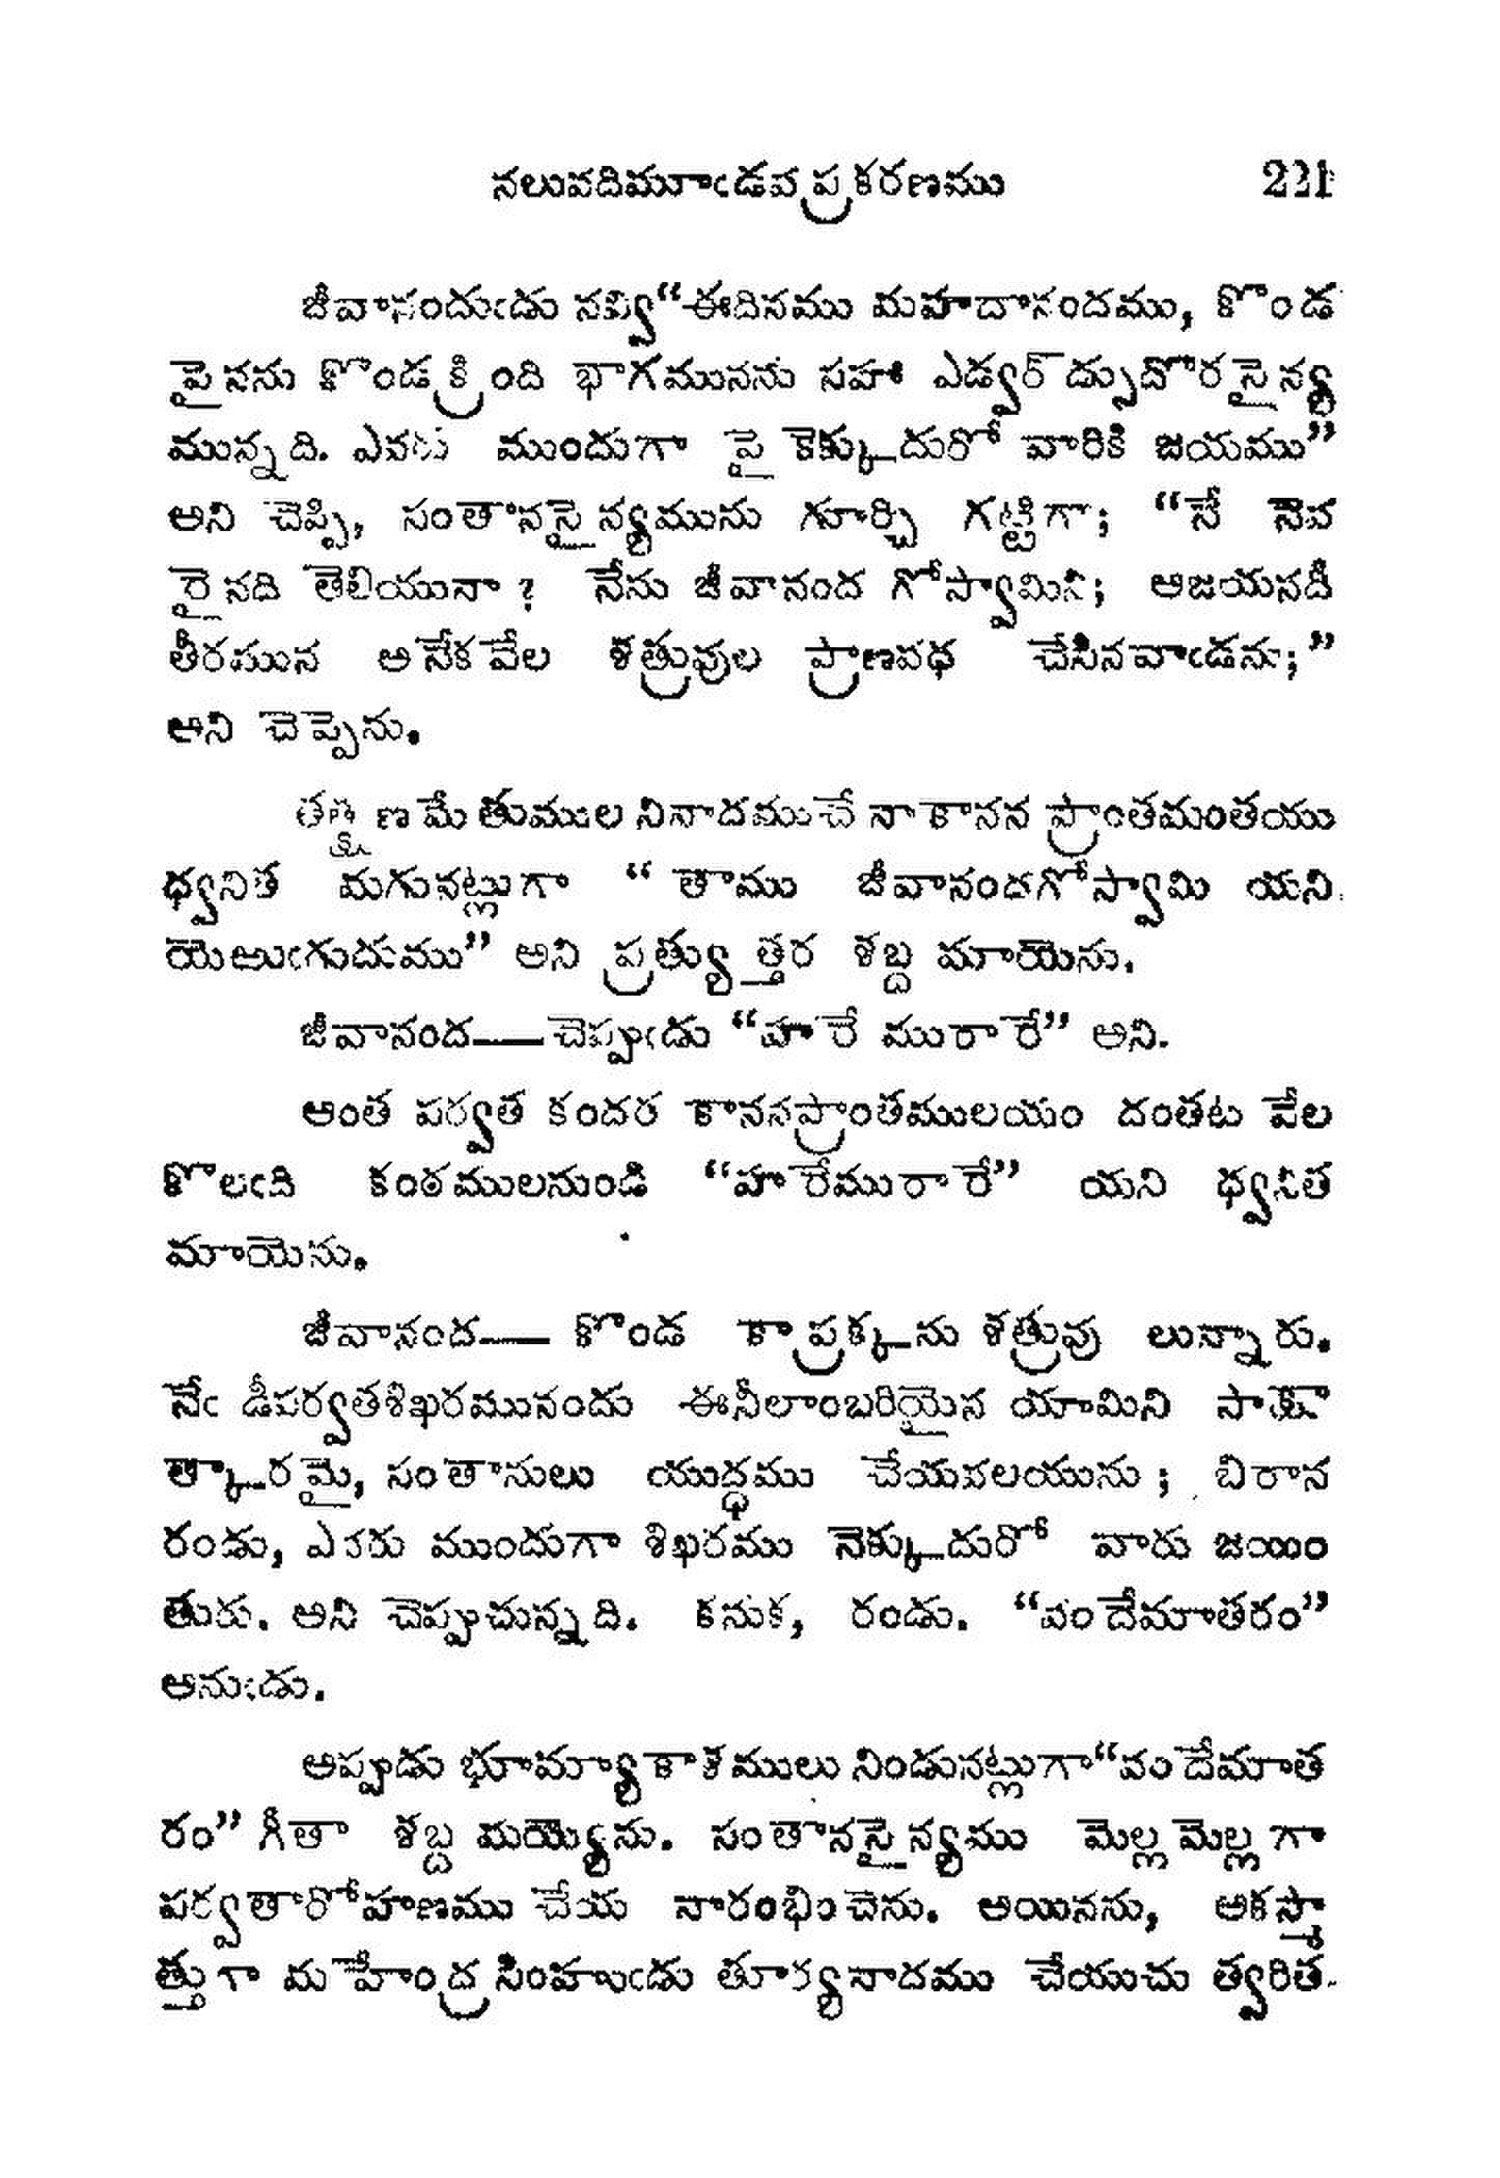జీవానందుఁడు నవ్వి "ఈదినము మహదానందము, కొండపైనను కొండ క్రింది భాగమునను సహా ఎడ్వర్ డ్సుదొర సైన్య
మున్నది. ఎవరు ముందుగా పై కెక్కుదురో వారికి జయము" అని చెప్పి, సంతాన సైన్యమును గూర్చి గట్టిగా; "నే నెన
రైనది తెలియునా ! నేను జీవానంద గోస్వామిని; ఆజయనదీ తీరమున అనేక వేల శత్రువుల ప్రాణవధ చేసిన వాఁడను; "అని చెప్పెను.

తక్షణమే తుముల నినాదముచే నాకానన ప్రాంతమంతయు ధ్వనిత మగునట్లుగా “ తాము జీవానందగోస్వామి యని
యెఱుఁగుదుము” అని ప్రత్యుత్తర శబ్ద మాయెను.

జీవానంద——చెప్పుఁడు "హరే మురారే” అని.

అంత పర్వత కందర కానన ప్రాంతములయం దంతట వేల కొలఁది కంఠములనుండి "హరేమురారే" యని ధ్వనిత మాయెను.

జీవానంద——కొండ కాప్రక్కను శత్రువు లున్నారు. నేఁ డీపర్వతశిఖరమునందు ఈనీలాంబరియైన యామిని సాక్షాత్కారమై, సంతానులు యుద్ధము చేయవలయును; బిరాన రండు, ఎవరు ముందుగా శిఖరము నెక్కుదురో వారు జయింతురు, అని చెప్పుచున్నది. కనుక, రండు. "వందేమాతరం" అనుఁడు.

అప్పుడు భూమ్యాకాశములు నిండునట్లుగా “వందేమాతరం” గీతా శబ్ద మయ్యెను. సంతానసైన్యము మెల్ల మెల్లగా
పర్వతారోహణము చేయ నారంభించెను. అయినను, ఆకస్తాత్తుగా మహేంద్ర సింహుఁడు తూర్యనాదము చేయుచు త్వరిత